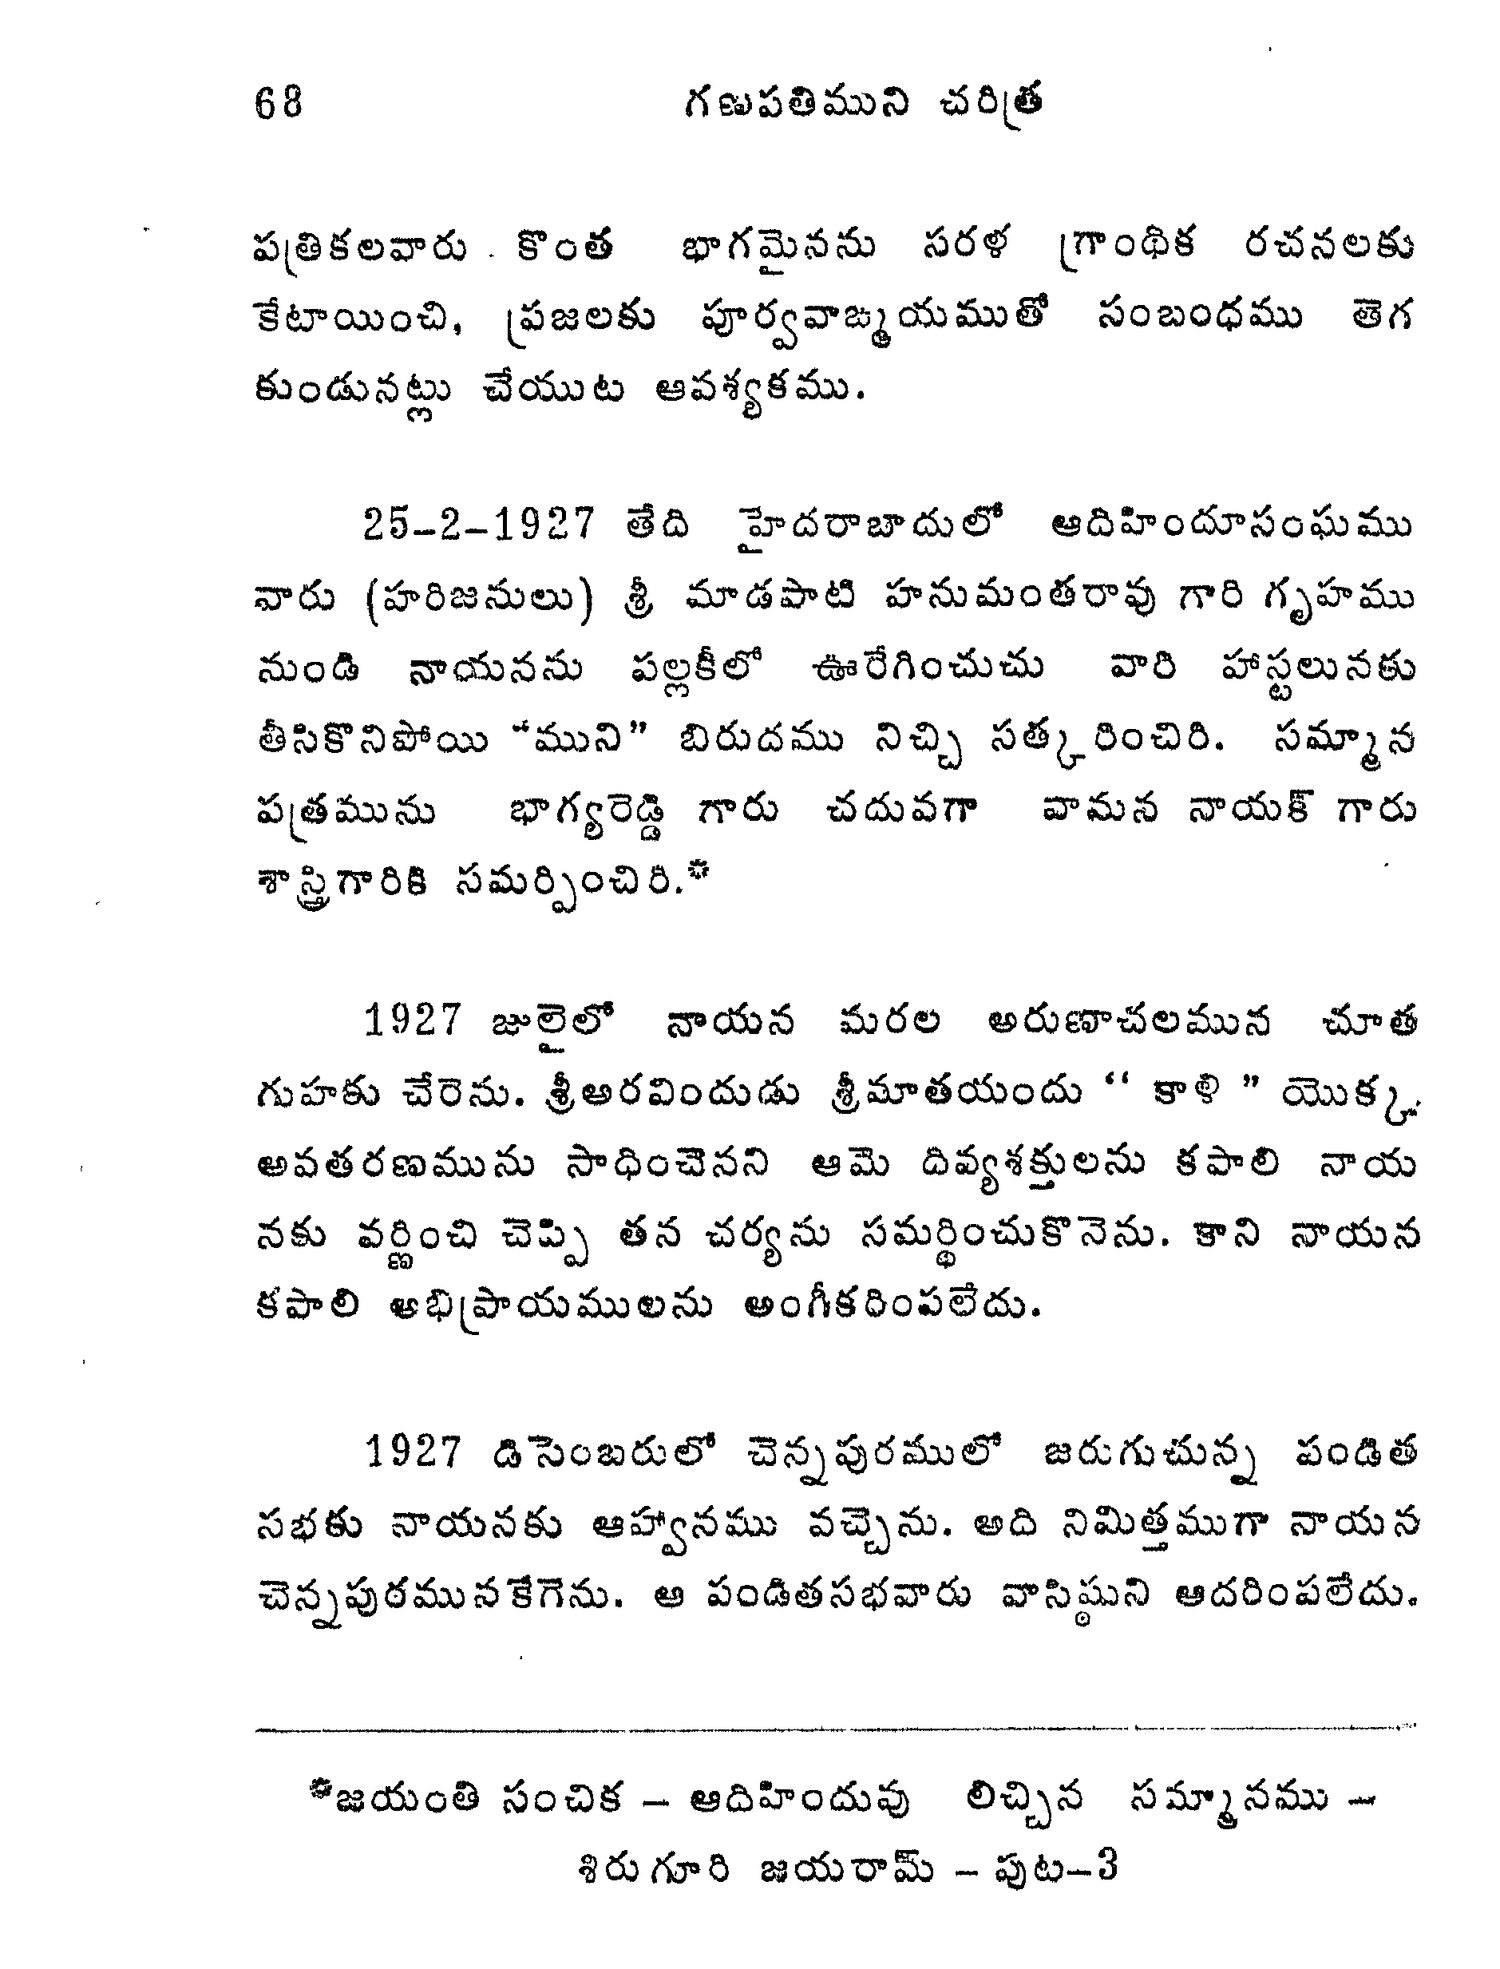పత్రికలవారు కొంత భాగమైనను సరళ గ్రాంథిక రచనలకు కేటాయించి, ప్రజలకు పూర్వవాజ్మయముతో సంబంధము తెగకుండునట్లు చేయుట ఆవశ్యకము.

25-2-1927 తేది హైదరాబాదులో ఆదిహిందూసంఘము వారు (హరిజనులు) శ్రీ మాడపాటి హనుమంతరావు గారి గృహము నుండి నాయనను పల్లకిలో ఊరేగించుచు వారి హాస్టలునకు తీసికొనిపోయి "ముని" బిరుదము నిచ్చి సత్కరించిరి. సమ్మాన పత్రమును భాగ్యరెడ్డి గారు చదువగా వామన నాయక్ గారు శాస్త్రిగారికి సమర్పించిరి.

1927 జూలైలో నాయన మరల అరుణాచలమున చూత గుహకు చేరెను. శ్రీఅరవిందుడు శ్రీమాతయందు "కాళి" యొక్క అవతరణమును సాధించెనని ఆమె దివ్యశక్తులను కపాలి నాయనకు వర్ణించి చెప్పి తన చర్యను సమర్థించుకొనెను. కాని నాయన కపాలి అభిప్రాయములను అంగీకరింపలేదు.

1927 డిసెంబరులో చెన్నపురములో జరుగుచున్న పండిత సభకు నాయనకు ఆహ్వానము వచ్చెను. అది నిమిత్తముగా నాయన చెన్నపురమునకేగెను. ఆ పండితసభవారు వాసిష్ఠుని ఆదరింపలేదు.